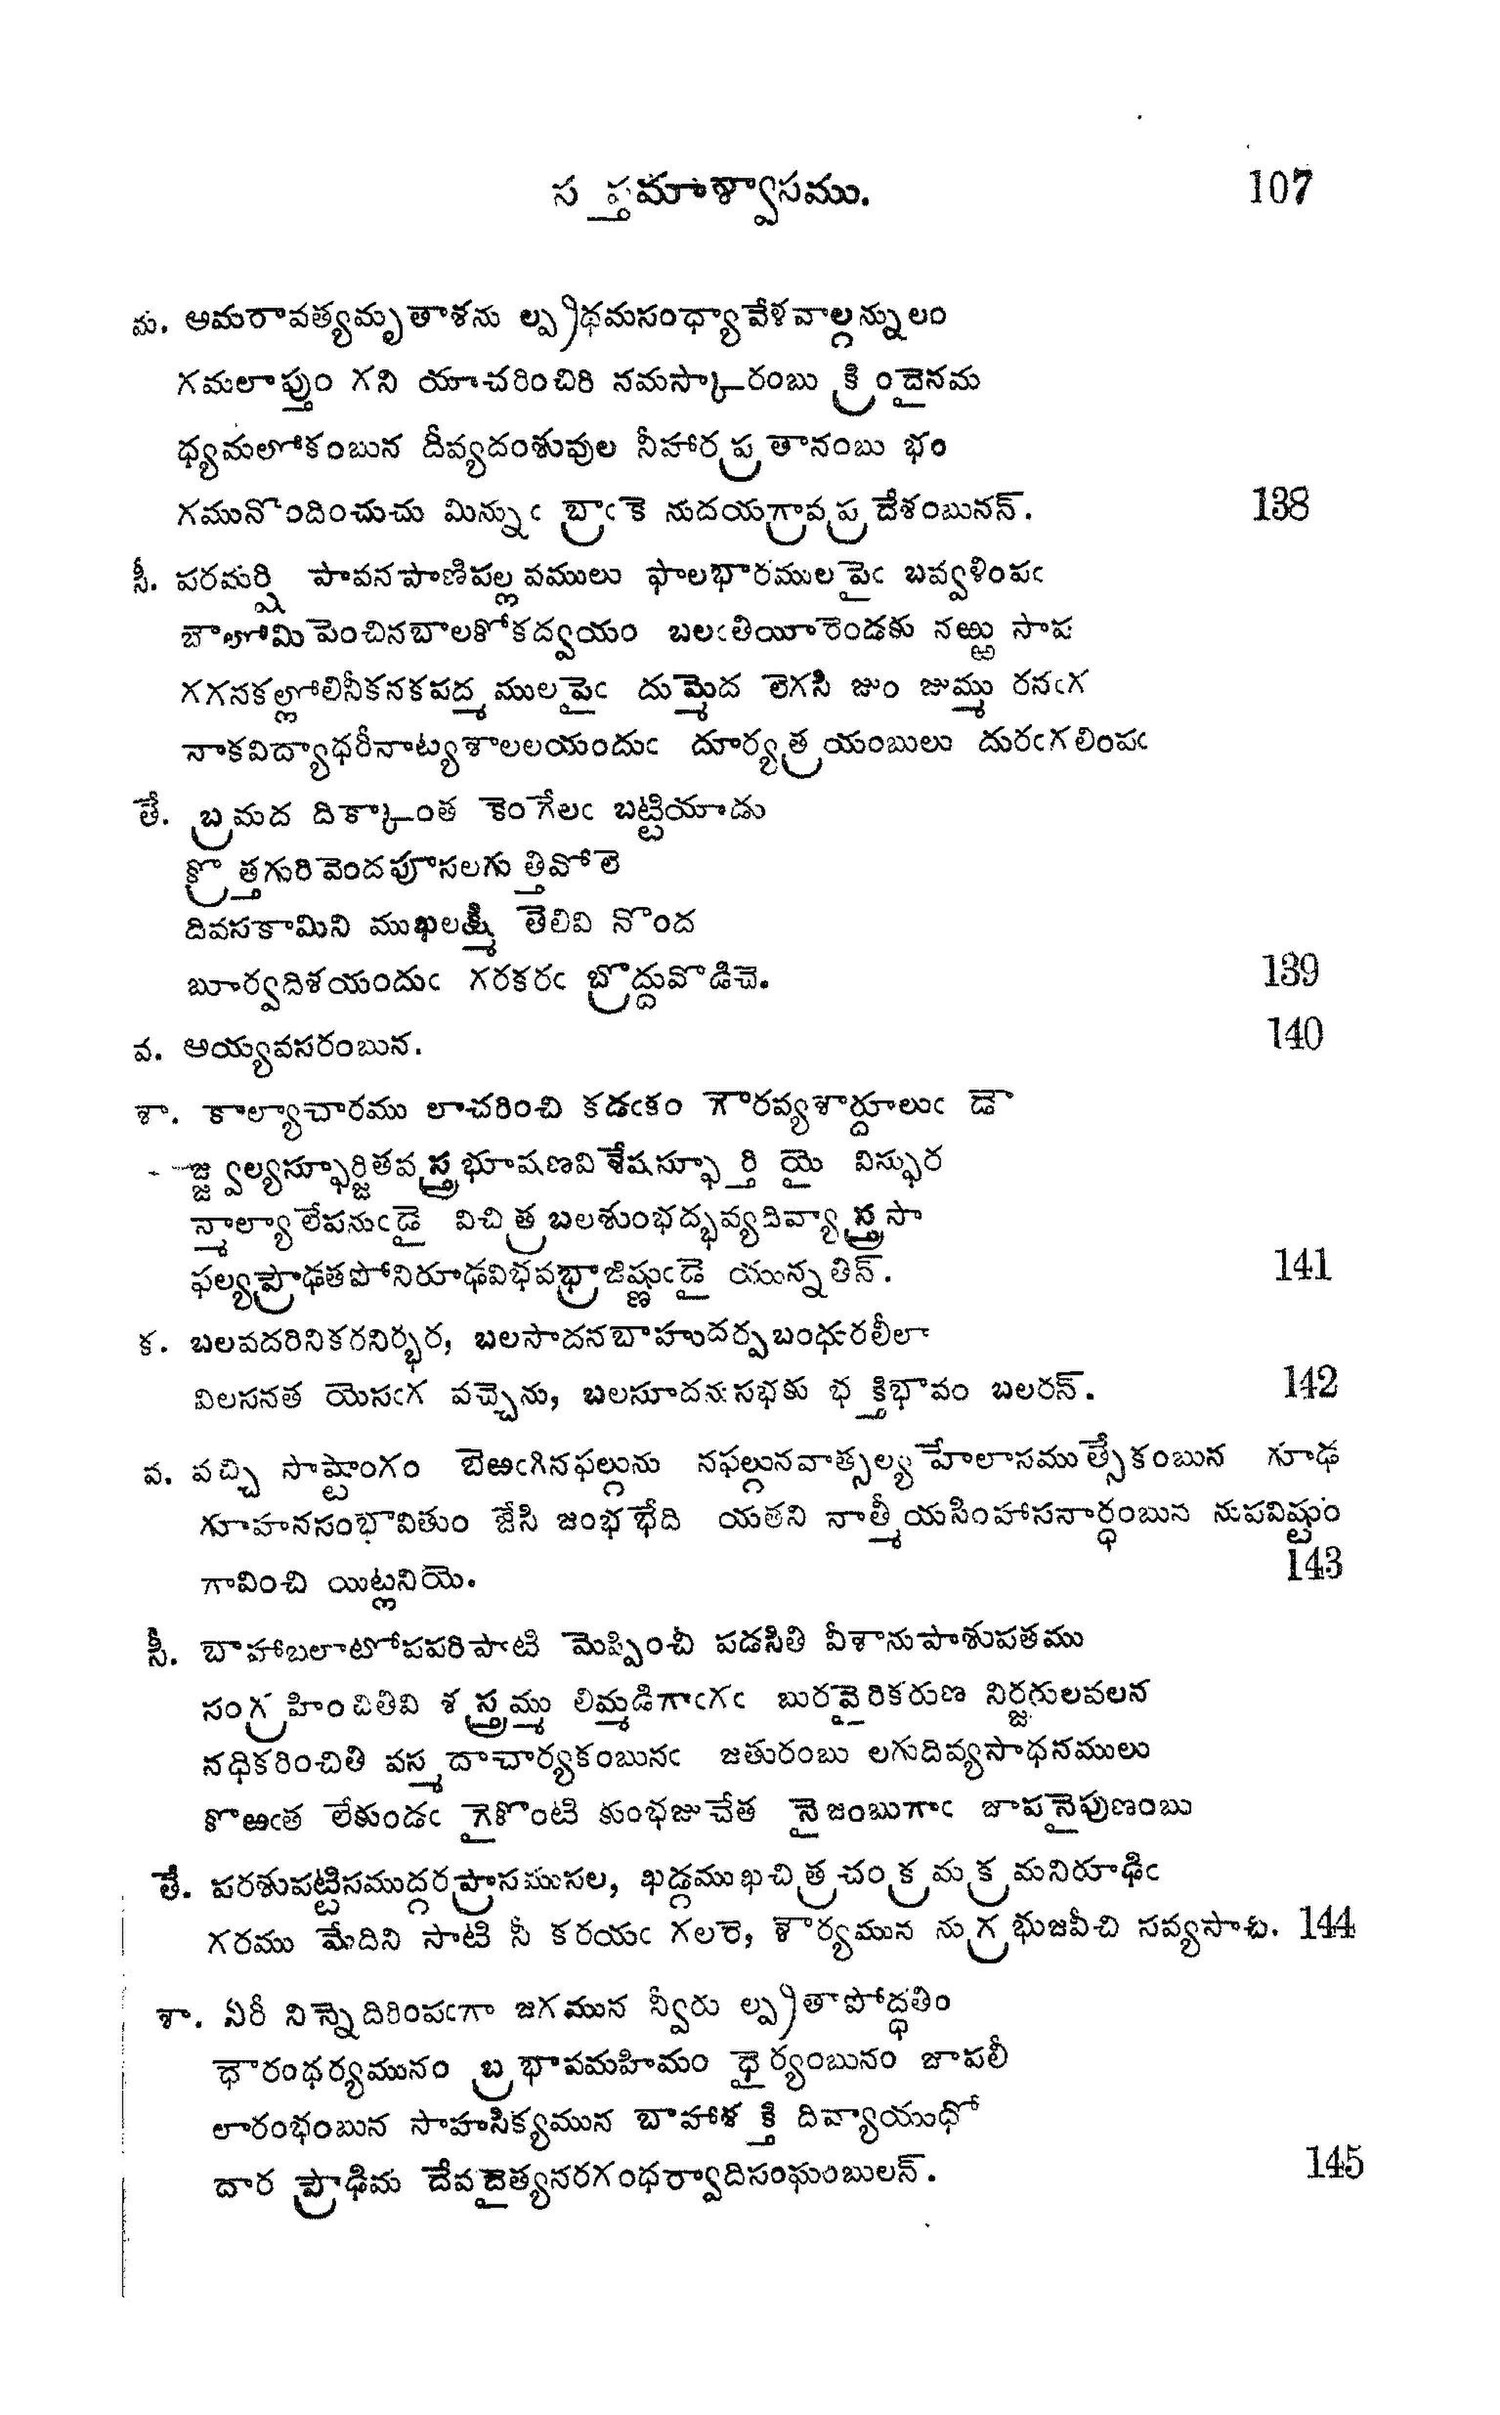మ. అమరావత్యమృతాశను ల్ప్రథమసంధ్యావేళ వాల్గన్నులం
గమలాప్తుం గని యాచరించిరి నమస్కారంబు క్రిందైనమ
ధ్యమలోకంబున దీవ్యదంశువుల నీహారప్రతానంబు భం
గము నొందించుచు మిన్నుఁ బ్రాఁకె నుదయగ్రావప్రదేశంబునన్. 138

సీ. పరమర్షి పావనపాణిపల్లవములు ఫాలభారములపైఁ బవ్వళింప
బౌలోమి పెంచిన బాలకోకద్వయం బలఁతియీరెండకు నఱ్ఱు సాప
గగనకల్లోలినీకనకపదములపై దుమ్మెద లెగసి జుంజుమ్ము రనఁగ
నాకవిద్యాధరీనాట్యశాలలయందుఁ దూర్యత్రయంబులు దురఁగలింపఁ
తే. బ్రమద దిక్కాంత కెంగేలఁ బట్టియాడు
కొత్తగురివెందపూసలగుత్తివోలె
దివసకామిని ముఖలక్ష్మి తెలివి నొంద
బూర్వదిశయందుఁ గరకరఁ బొద్దువొడిచె. 139

వ. అయ్యవసరంబున. 140

శా. కాల్యాచారము లాచరించి కడఁకం గౌరవ్యశార్దూలుఁ డౌ
జ్జ్వల్యస్ఫూర్జితవస్త్రభూషణవిశేషస్ఫూర్తియై విస్ఫుర
న్మాల్యాలేపనుఁడై విచిత్రబలశుంభద్భవ్యదివ్యాస్త్రసా
ఫల్యప్రౌఢతపోనిరూఢవిభవభ్రాజిష్ణుఁడై యున్నతిన్. 141

క. బలవదరినికగనిర్భర, బలసాదనబాహుదర్పబంధురలీలా
విలసనత యెసఁగ వచ్చెను, బలసూదనసభకు భక్తిభావం బలరన్. 142

వ. వచ్చి సాష్టాంగం బెఱఁగిన ఫల్గును నఫల్గునవాత్సల్యహేలాసముత్సేకంబున గూఢగూహనసంభావితుం జేసి జంభభేది యతని నాత్మీయసింహాసనార్ధంబున నుపవిష్ణుం గావించి యిట్లనియె. 143

సీ. బాహాబలాటోపపరిపాటి మెప్పించి పడసితి వీశానుపాశుపతము
సంగ్రహించితివి శస్త్రము లిమ్మడి గాఁగఁ బురవైరికరుణ నిర్జరులవలన
నధికరించితి వస్మదాచార్యకంబునఁ జతురంబు లగుదివ్యసాధనములు
కొఱఁత లేకుండఁ గైకొంటి కుంభజుచేత నైజంబుగాఁ జాపనైపుణంబు
తే. పరశుపట్టిసముద్గరప్రాసముసల, ఖడ్గముఖచిత్రచంక్రమక్రమనిరూఢిఁ
గరము మేదిని సాటి నీ కరయఁ గలరె, శౌర్యమున నుగ్రభుజవీచి సవ్యసాచి. 144

శా. ఏరీ ని న్నెదిరింపఁగా జగమున న్వీరు ల్ప్రతాపోద్దతిం
దౌరంధర్యమునం బ్రభావమహిమం ధైర్యంబునం జాపలీ
లారంభంబున సాహసిక్యమున బాహాశక్తి దివ్యాయుధో
దారప్రౌఢిమ దేవదైత్యనరగంధర్వాదిసంఘంబులన్. 145